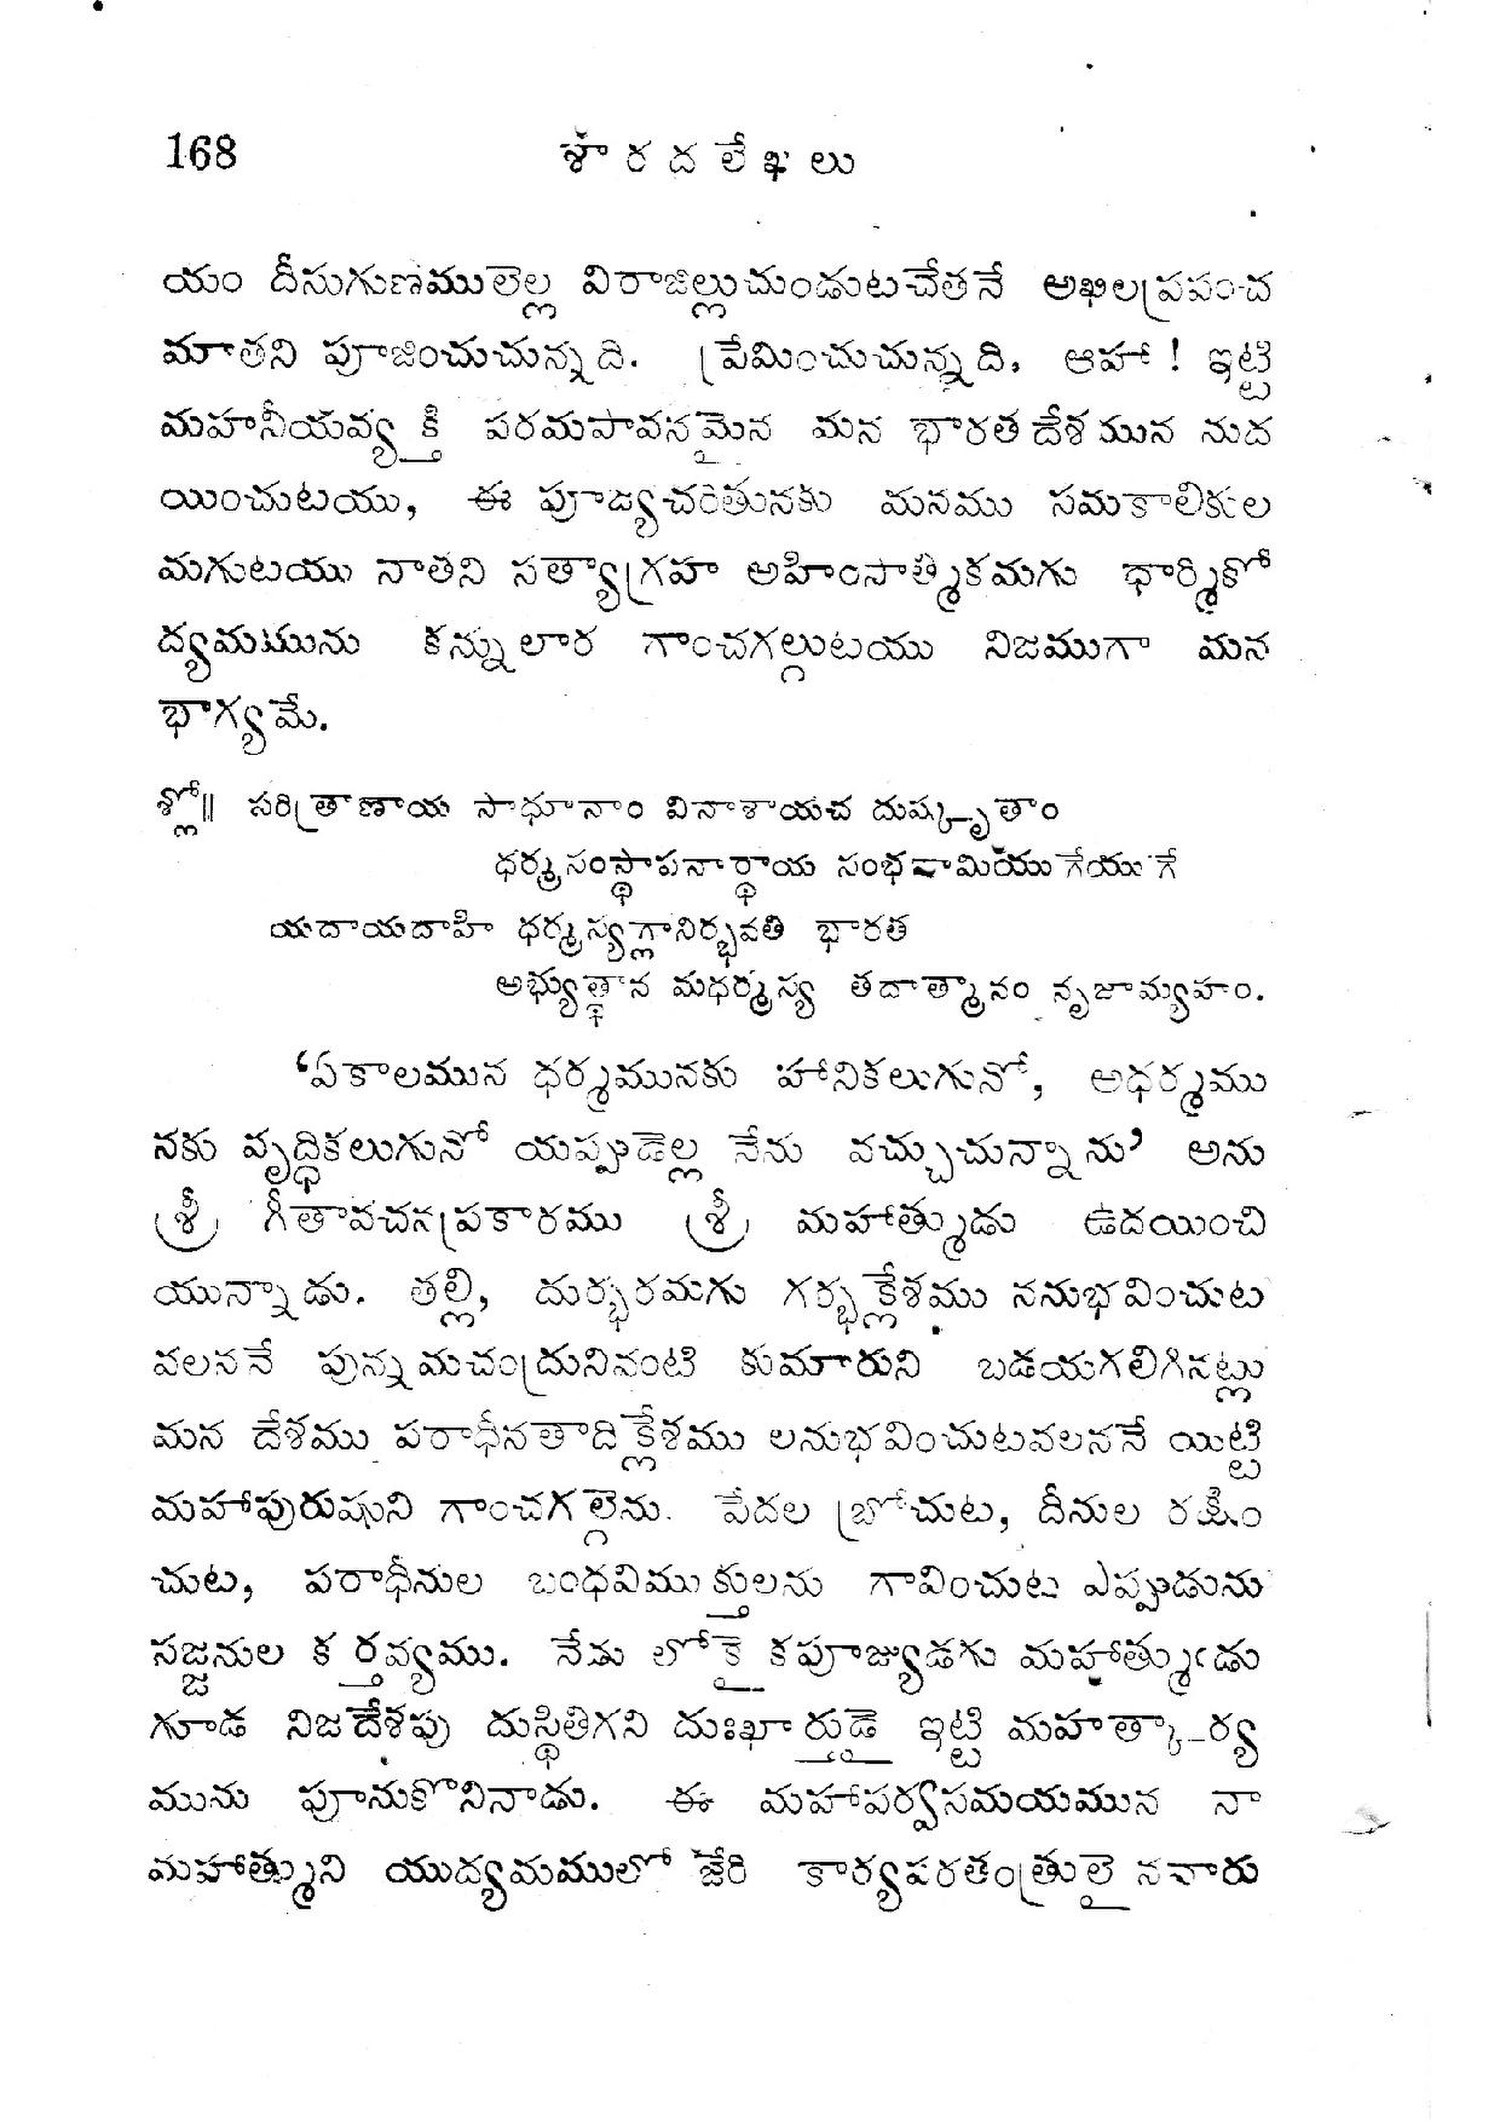యం దీసుగుణములెల్ల విరాజిల్లుచుండుటచేతనే అఖిలప్రపంచ మాతని పూజించుచున్నది. ప్రేమించుచున్నది. ఆహా ! ఇట్టి మహనీయవ్యక్తి పరమపావనమైన మన భారతదేశమున నుదయించుటయు, ఈ పూజ్యచరితునకు మనము సమకాలికుల మగుటయు నాతని సత్యాగ్రహ అహింసాత్మికమగు ధార్మికోద్యమమును కన్నులార గాంచగల్గుటయు నిజముగా మన భాగ్యమే.

శ్లో॥ పరిత్రాణాయ సాధూనాం వినాశాయచ ధుష్కృతాం
 ధర్మసంస్థాపనార్థాయ సంభవామియుగేయుగే
 యదాయదాహి ధర్మస్యగ్లానిర్భవతి భారత
 అభ్యుత్థాన మధర్మస్య తదాత్మానం నృజామ్యహం.

'ఏకాలమున ధర్మమునకు హానికలుగునో, అధర్మమునకు వృద్ధికలుగునో యప్పుడెల్ల నేను వచ్చుచున్నాను' అను శ్రీ గీతావచనప్రకారము శ్రీ మహాత్ముడు ఉదయించియున్నాడు. తల్లి, దుర్భరమగు గర్భక్లేశము ననుభవించుట వలననే పున్నమచంద్రునివంటి కుమారుని బడయగలిగినట్లు మన దేశము పరాధీనతాదిక్లేశము లనుభవించుటవలననే యిట్టి మహాపురుషుని గాంచగల్గెను. పేదల బ్రోచుట, దీనుల రక్షించుట, పరాధీనుల బంధవిముక్తులను గావించుట ఎప్పుడును సజ్జనుల కర్తవ్యము. నేడు లోకైకపూజ్యుడగు మహాత్ముఁడు గూడ నిజదేశపు దుస్థితిగని దుఃఖార్తుడై ఇట్టి మహత్కార్యమును పూనుకొనినాడు. ఈ మహాపర్వసమయమున నా మహాత్ముని యుద్యమములో జేరి కార్యపరతంత్రులైనవారు